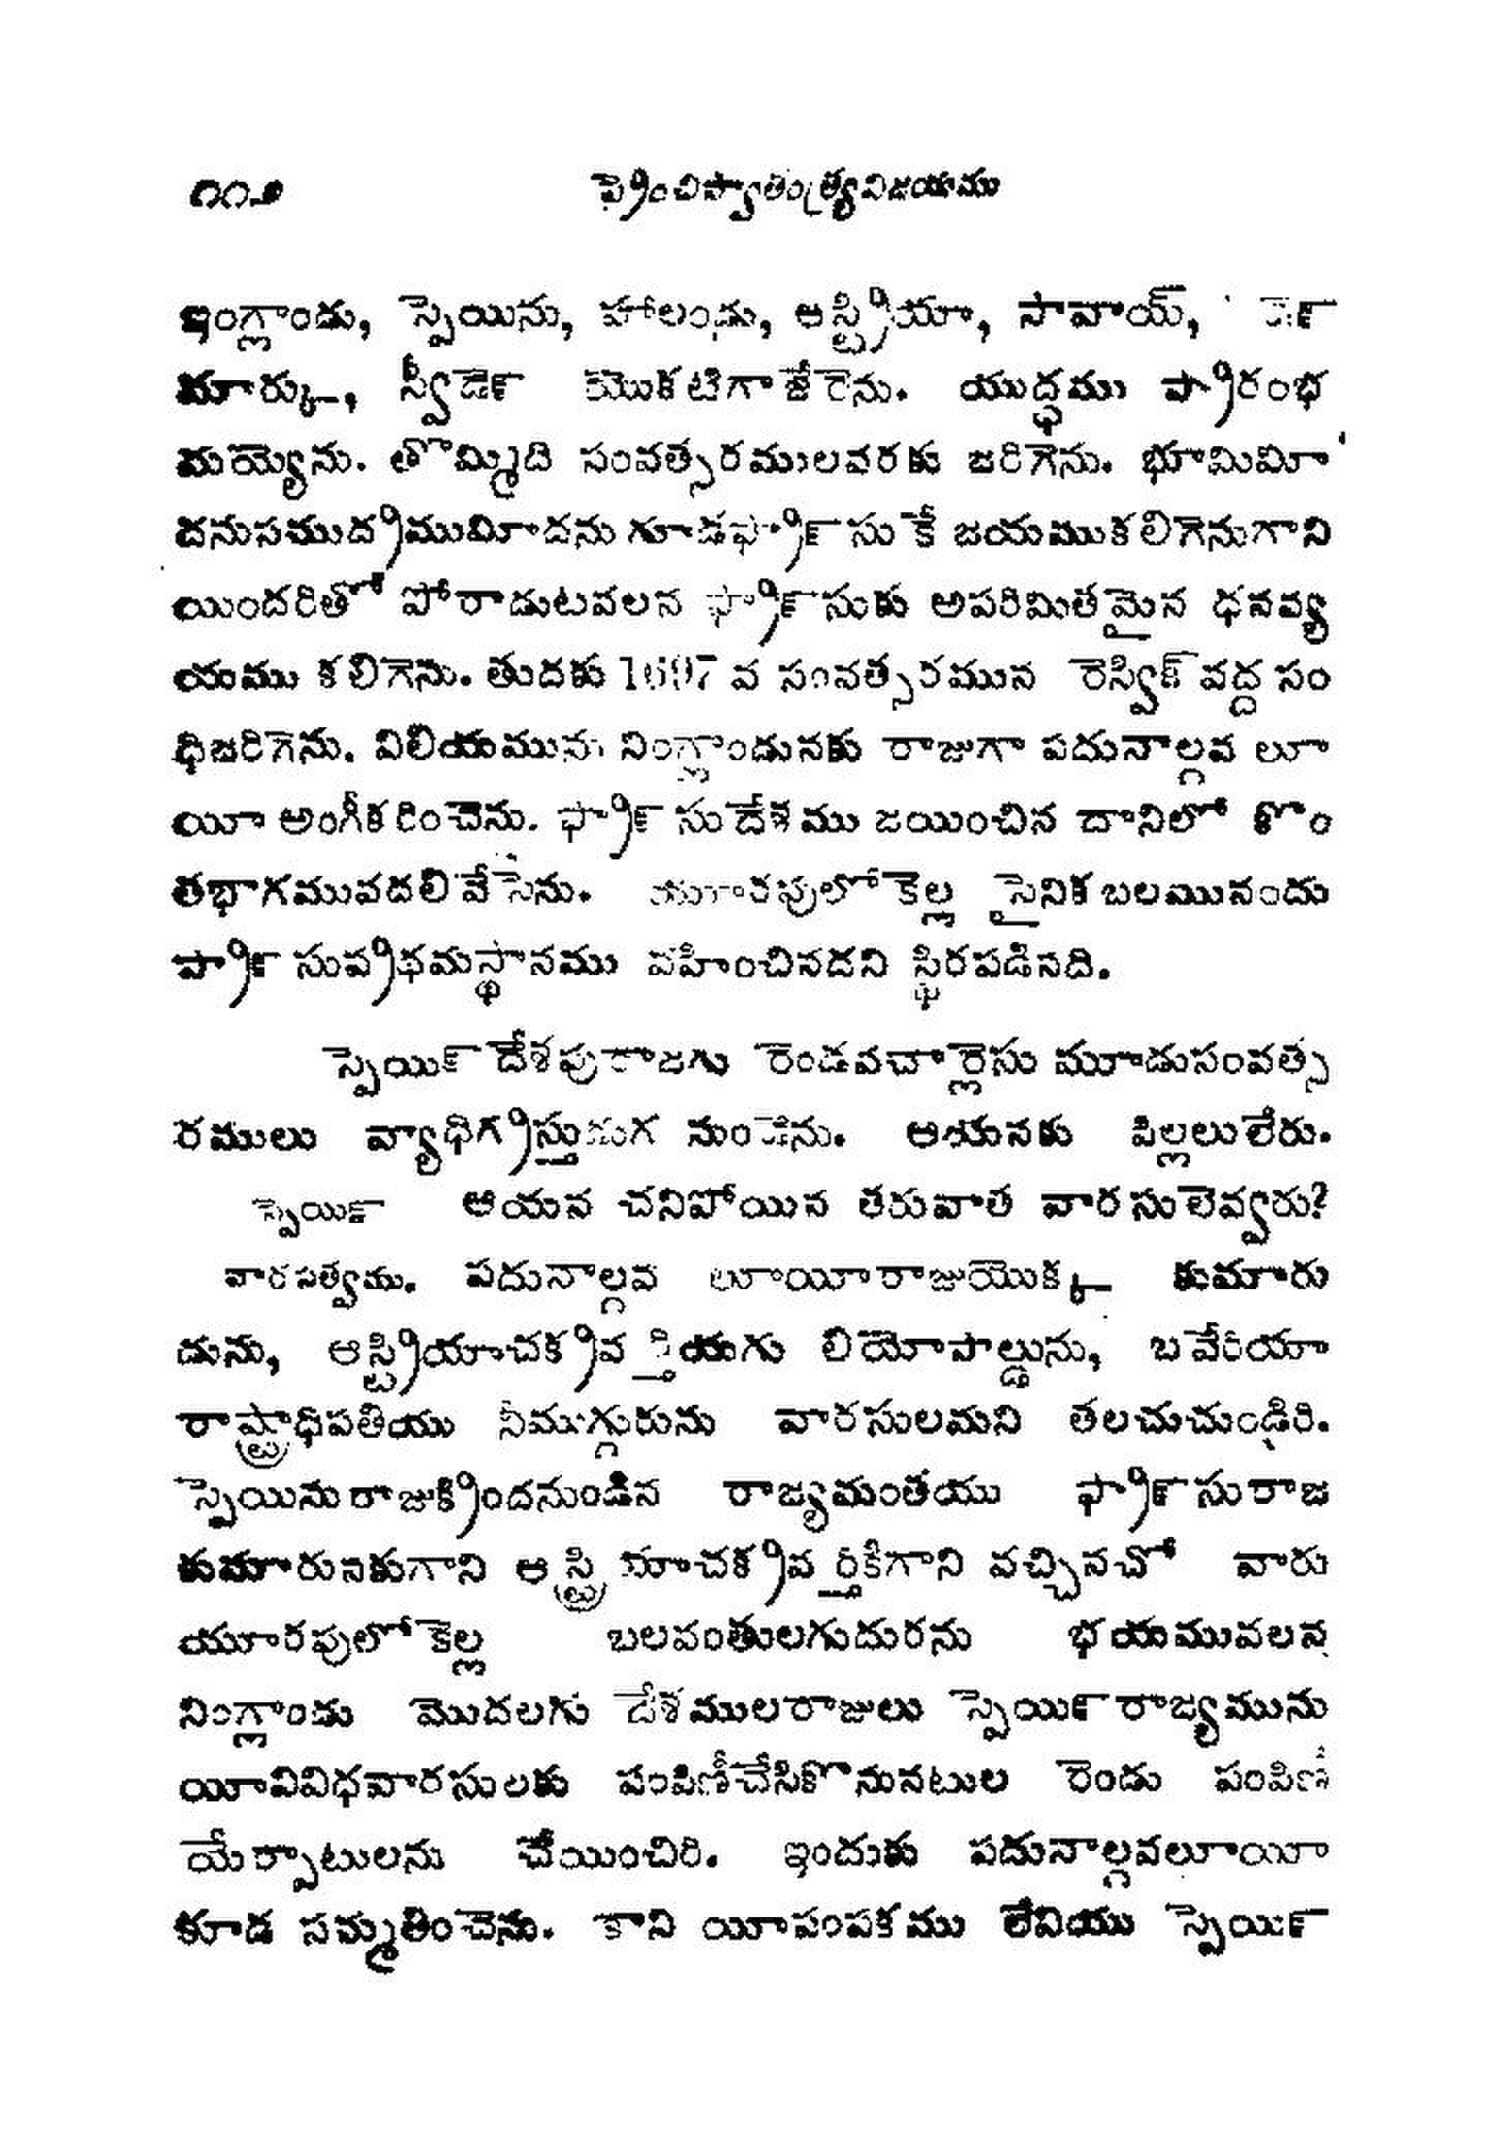ఇంగ్లాండు, స్పెయిను, హాలండు, ఆస్ట్రియా, సావాయ్, ' డెన్
మార్కు, స్వీడెన్ యొకటిగా జేరెను. యుద్ధము ప్రారంభ
మయ్యెను. తొమ్మిది సంవత్సరముల వరకు జరిగెను. భూమిమీ'
దసుసముద్రముమీదను గూడ ఫ్రాన్సు కే జయముకలిగెను గాని
యిందరితో పోరాడుటవలన ఫ్రాసుకు అపరిమితమైన ధనవ్య
యము కలిగెను. తుదకు 1697 వ సంవత్సరమున రెస్విక్ వద్ద సం
ధిజరిగెను. విలియమును నింగ్లాండునకు రాజుగా పదునాల్గవ లూ
యీ అంగీక రించెను. ఫ్రాన్సు దేశము జయించిన దానిలో కొం
తభాగమువదలి వేసెను. యూరపులో కెల్ల సైనిక బలమునందు
ఫ్రాన్సు ప్రథమస్థానము వహించినదని స్థిరపడినది.

స్పైన్ వారసత్వము

స్పెయిన్ దేశపు రాజును 'రెండవచార్లెసు మూడు సంవత్స
రములు వ్యాధిగ్రస్తులుగ నుండెను. అయనకు పిల్లలు లేరు.
ఆయన చనిపోయిన తరువాత వారసులెవ్వరు?
పదునాల్గవ లూయీరాజు యొక్క కుమారుడును
ఆస్ట్రియాచక్రవర్తి యగు లియోపాల్డును, బవేరియా
రాష్ట్రాధిపతియు నీముగ్గురును వారసులమని తలచుచుండిరి.
స్పెయిను రాజు కిందనుండిన రాజ్యమంతయు ఫ్రాన్సుసురాజ
కుమారునకుగాని ఆస్ట్రియా చక్రవర్తికిగాని వచ్చినచో వారు
యూరపులో కెల్ల బలవంతులగుదు రను భయమువలన
నింగ్లాండు మొదలగు దేశముల రాజులు స్పెయిన్ రాజ్యమును
యీ వివిధవారసులకు పంపిణీ చేసికొను నటుల రెండు పంపిణి
యేర్పాటులను చేయించిరి. ఇందుకు పదునాల్గవ లూయీ
కూడ సమ్మతించెను. కాని యీపంపకము లేవియు 'స్పెయి